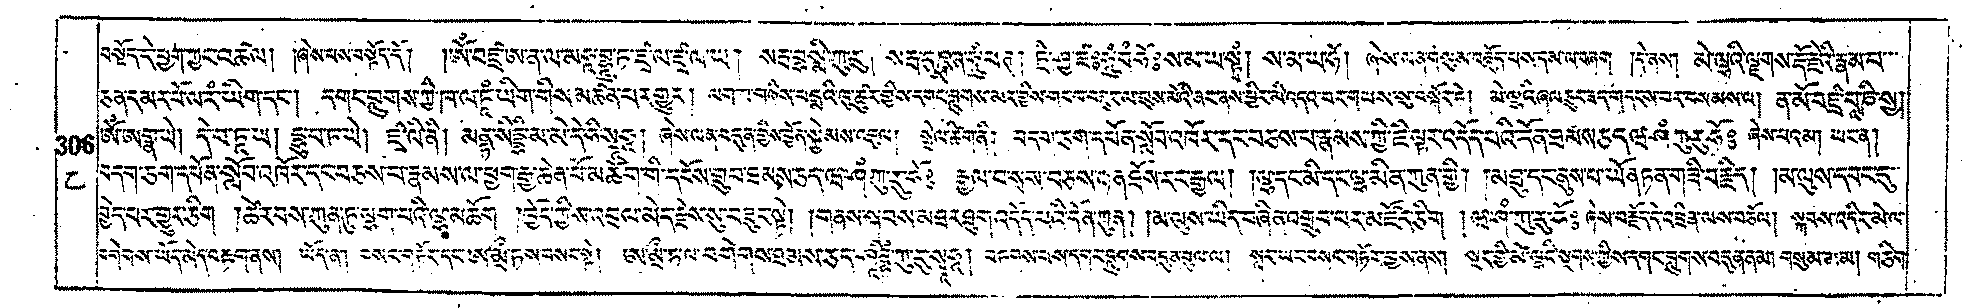བསྟོད་དེ་ཕྱག་ཀྱང་འཚལ། །ཞེས་པས་བསྟོད་དོ།  །ཨོཾ་བཛྲ་ཨ་ན་ལ་མཧཱ་བྷཱུ་ཏ་ཛྭ་ལ་ཛྭ་ལ་ཡ། སརྦ་བྷ་སྨི་ཀུ་རུ། སརྦ་དུཥྚན་ཧཱུཾ་ཕཊ། ཏྲི་ཤྱ་ཛཿཧཱུཾ་བཾ་ཧོཿས་མ་ཡ་སྟྭཾ། ས་མ་ཡ་ཧོ། ཞེས་ལན་གསུམ་བརྗོད་པས་དམ་ལ་བཞག །དེ་ནས།  མེ་ལྷའི་ལྗགས་རྡོ་རྗེའི་རྣམ་པ་་་
ཅན་དམར་པོ་ལ་རཾ་ཡིག་དང་། དགང་བླུགས་ཀྱི་ཁ་ལ་ཏཱཾ་ཡིག་གིས་མཚན་པར་གྱུར། ལག་པ་གཉིས་པདམའི་ཁུ་ཚུར་གྱིས་དགང་བླུགས་མར་གྱིས་གང་བ་བཟུང་ལ་པུས་མོའི་ནང་ནས་ཕྱིར་མི་འདའ་བར་གཡས་སུ་བསྐོར་ཏེ། མེ་ལྷའི་ཞལ་ཅུང་ཟད་གདངས་པར་བསམས་ལ།  ན་མོ་བཛྲ་པཱ་ཎི་སྱ།
ཨོཾ་ཨགན་ཡེ། དེ་བ་ཏཱ་ཡ། དྷུ་བ་ཏ་ཡེ། ཛྭ་ལི་ནི། མནྟ་སིདྡྷི་མ་མེ་དེ་ཧི་སྭཱཧཱ། ཞེས་ལན་བདུན་གྱིས་བྱོན་སྐྱེམས་འབུལ། སྤེལ་ཚིག་ནི།  བདག་ཅག་དཔོན་སློབ་འཁོར་དང་བཅས་པ་རྣམས་ཀྱི་ཇི་ལྟར་འདོད་པའི་དོན་ཐམས་ཅད་ཝ་ཤཾ་ཀུ་རུ་ཧོཿ ཞེས་པའམ། ཡང་ན།
བདག་ཅག་དཔོན་སློབ་འཁོར་དང་བཅས་པ་རྣམས་ལ་ཕྱག་རྒྱ་ཆེན་པོ་མཆོག་གི་དངོས་གྲུབ་ཐམས་ཅད་ཝ་ཤཾ་ཀུ་རུ་ཧོཿ རྒྱལ་བ་སྲས་བཅས་ཉན་ཐོས་རང་རྒྱལ། །ལྷ་དང་མི་དང་ལྷ་མིན་ཀུན་གྱི། །མཐུ་དང་ནུས་པ་ཡོན་ཏན་གཟི་བརྗིད། །མ་ལུས་དབང་དུ་་་
བྱེད་པར་གྱུར་ཅིག །ཚེ་རབས་ཀུན་ཏུ་ལྷག་པའི་ལྷ་མཆོག །ཁྱོད་ཀྱིས་འབྲལ་མེད་རྗེས་སུ་བཟུང་སྟེ། །གནས་སྐབས་མཐར་ཐུག་འདོད་པའི་དོན་ཀུན། །མ་ལུས་ཡིད་བཞིན་འགྲུབ་པར་མཛོད་ཅིག །ཝ་ཤཾ་ཀུ་རུ་ཧོཿ ཞེས་བརྗོད་དེ་འཕྲིན་ལས་བཅོལ། སྐབས་འདིར་མེ་ལ་
བགེགས་ཡོད་མེད་བརྟག་ནས། ཡོད་ན། བསང་གཏོར་དང་ཨ་མྲྀ་ཏས་བསང་སྟེ། ཨ་མྲྀ་ཏ་ལ་བགེགས་ཐམས་ཅད་ཤཱིནྟཾ་ཀུ་རུ་སྭཱཧཱ། བཏགས་པས་དགང་བླུགས་བདུན་ཕུལ་ལ། སླར་ཡང་བསང་གཏོར་བྱས་ནས། སྔར་གྱི་མེ་ལྷའི་སྔགས་ཀྱིས་དགང་བླུགས་བདུན་ནམ། གསུམ་མམ། གཅིག